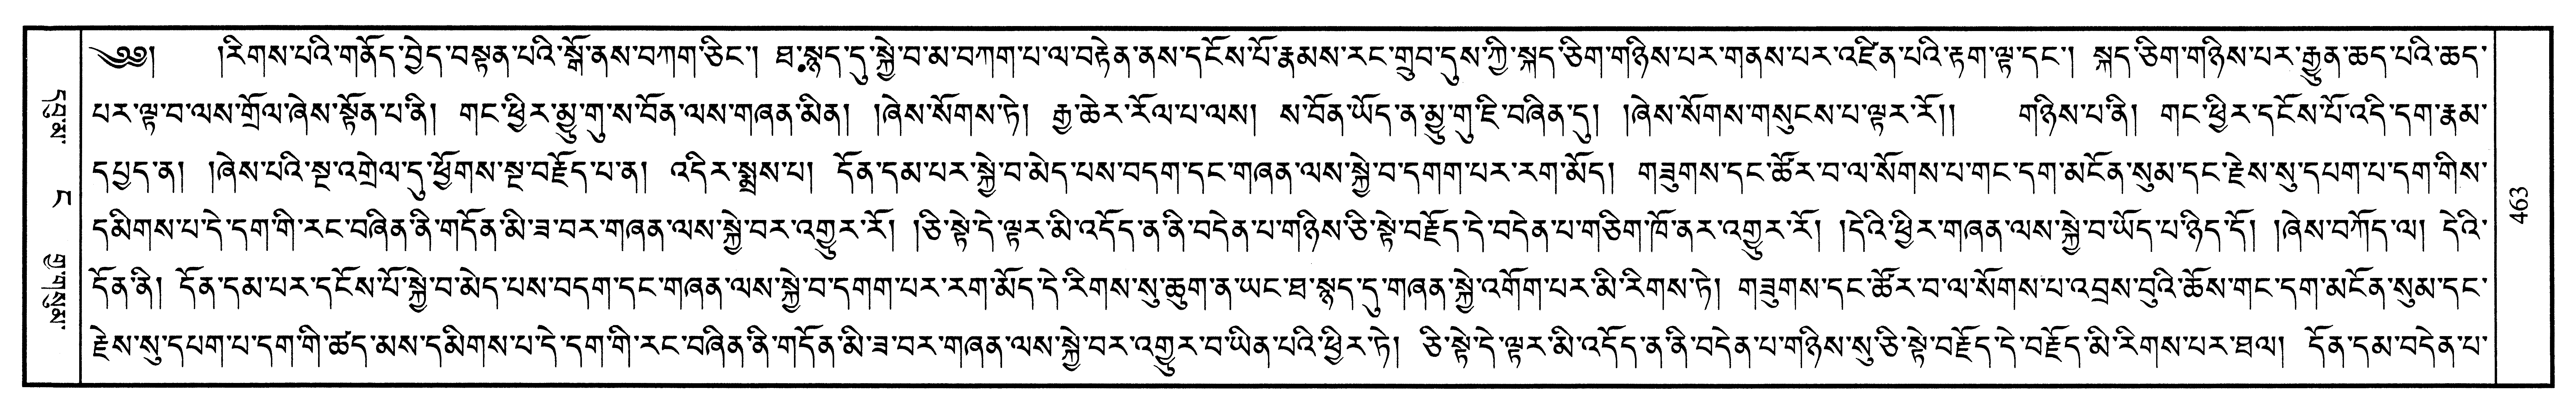༄༅། །རིགས་པའི་གནོད་བྱེད་བསྟན་པའི་སྒོ་ནས་བཀག་ཅིང་། ཐ་སྙད་དུ་སྐྱེ་བ་མ་བཀག་པ་ལ་བརྟེན་ནས་དངོས་པོ་རྣམས་རང་གྲུབ་དུས་ཀྱི་སྐད་ཅིག་གཉིས་པར་གནས་པར་འཛིན་པའི་རྟག་ལྟ་དང་། སྐད་ཅིག་གཉིས་པར་རྒྱུན་ཆད་པའི་ཆད་
པར་ལྟ་བ་ལས་གྲོལ་ཞེས་སྟོན་པ་ནི། གང་ཕྱིར་མྱུ་གུ་ས་བོན་ལས་གཞན་མིན། །ཞེས་སོགས་ཏེ། རྒྱ་ཆེར་རོལ་པ་ལས། ས་བོན་ཡོད་ན་མྱུ་གུ་ཇི་བཞིན་དུ། །ཞེས་སོགས་གསུངས་པ་ལྟར་རོ།། གཉིས་པ་ནི། གང་ཕྱིར་དངོས་པོ་འདི་དག་རྣམ་
དཔྱད་ན། །ཞེས་པའི་སྔ་འགྲེལ་དུ་ཕྱོགས་སྔ་བརྗོད་པ་ན། འདིར་སྨྲས་པ། དོན་དམ་པར་སྐྱེ་བ་མེད་པས་བདག་དང་གཞན་ལས་སྐྱེ་བ་དགག་པར་རག་མོད། །གཟུགས་དང་ཚོར་བ་ལ་སོགས་པ་གང་དག་མངོན་སུམ་དང་རྗེས་སུ་དཔག་པ་དག་གིས་
དམིགས་པ་དེ་དག་གི་རང་བཞིན་ནི་གདོན་མི་ཟ་བར་གཞན་ལས་སྐྱེ་བར་འགྱུར་རོ། །ཅི་སྟེ་དེ་ལྟར་མི་འདོད་ན་ནི་བདེན་པ་གཉིས་ཅི་སྟེ་བརྗོད་དེ་བདེན་པ་གཅིག་ཁོ་ནར་འགྱུར་རོ། །དེའི་ཕྱིར་གཞན་ལས་སྐྱེ་བ་ཡོད་པ་ཉིད་དོ། །ཞེས་བཀོད་ལ། དེའི་
དོན་ནི། དོན་དམ་པར་དངོས་པོ་སྐྱེ་བ་མེད་པས་བདག་དང་གཞན་ལས་སྐྱེ་བ་དགག་པར་རག་མོད་དེ་རིགས་སུ་ཆུག་ན་ཡང་ཐ་སྙད་དུ་གཞན་སྐྱེ་འགོག་པར་མི་རིགས་ཏེ། གཟུགས་དང་ཚོར་བ་ལ་སོགས་པ་འབྲས་བུའི་ཆོས་གང་དག་མངོན་སུམ་དང་
རྗེས་སུ་དཔག་པ་དག་གི་ཚད་མས་དམིགས་པ་དེ་དག་གི་རང་བཞིན་ནི་གདོན་མི་ཟ་བར་གཞན་ལས་སྐྱེ་བར་འགྱུར་བ་ཡིན་པའི་ཕྱིར་ཏེ། ཅི་སྟེ་དེ་ལྟར་མི་འདོད་ན་ནི་བདེན་པ་གཉིས་སུ་ཅི་སྟེ་བརྗོད་དེ་བརྗོད་མི་རིགས་པར་ཐལ། དོན་དམ་བདེན་པ་